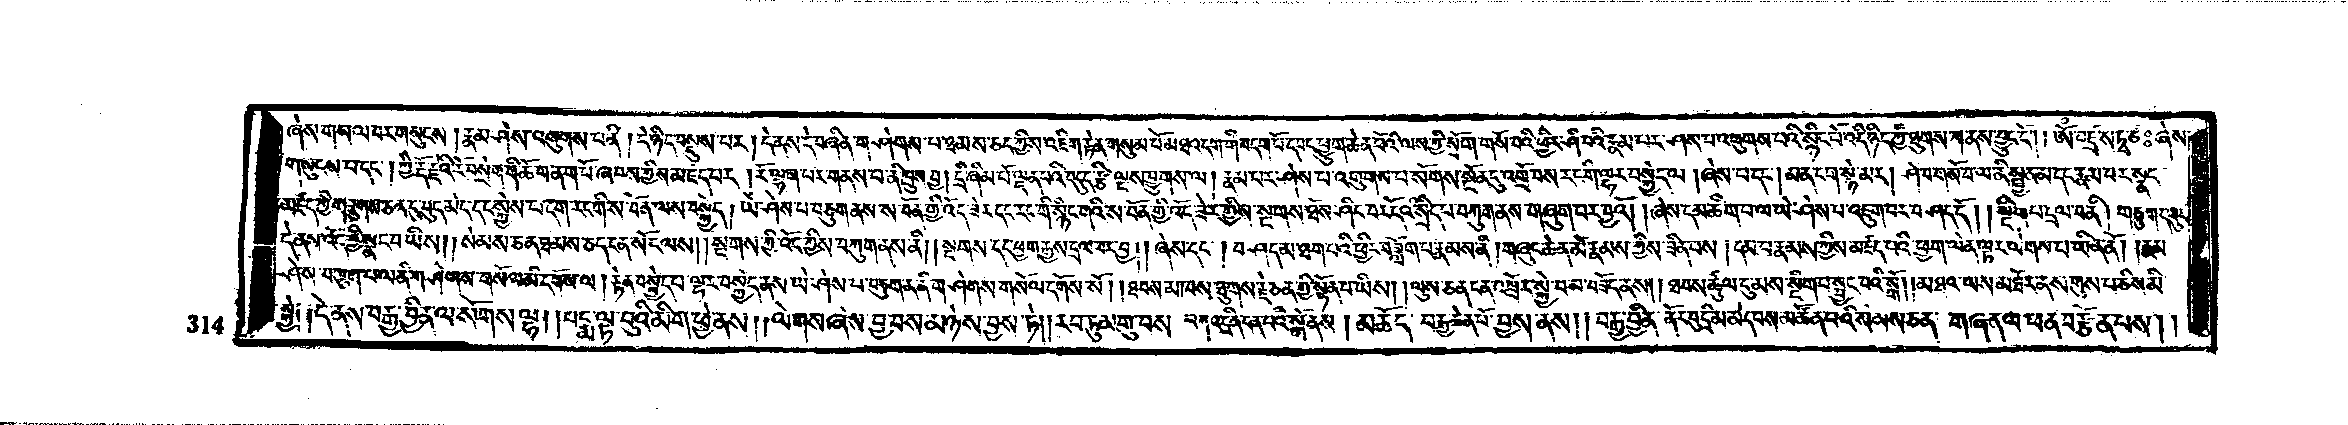ཞེས་གསལ་བར་གསུངས། རྣམ་ཤེས་འགུགས་པ་ནི། དེ་ཉིད་བསྡུས་པར། དེ་ནས་དེ་བཞིན་གཤེགས་པ་ཐམས་ཅད་ཀྱིས་འཇིག་རྟེན་གསུམ་པོ་མཐའ་དག་གི་བདག་པོ་དབང་ཕྱུག་ཆེན་པོའི་ལས་ཀྱི་སྲོག་གསོ་བའི་ཕྱིར་ཤི་བའི་རྣམ་པར་ཤེས་པ་འགུགས་པའི་སྙིང་པོ་འདི་ཉིད་ཀྱི་ཐུགས་ཀ་ནས་བྱུང་ངོ། །ཨོཾ་བཛྲ་སཏྭ་ཙཿ ཞེས་
གསུངས་པ་དང་། ཀྱཻ་རྡོ་རྗེའི་རོ་བསྲེག་གི་ཆོ་ག་ནག་པོ་ཞབས་ཀྱིས་མཛད་པར། རོ་ལྷག་པར་གནས་པ་ནི་ཁྲུས་བྱ། དྲི་ཞིམ་པོ་ལྡན་པའི་བདུད་རྩི་ལྔས་བྱུགས་ལ། རྣམ་པར་ཤེས་པ་འགུགས་པ་སོགས་སྔོན་དུ་འགྲོ་བས་རང་གི་ལྷར་བསྐྱེད་ལ། ཞེས་པ་དང་། མན་ངག་སྙེ་མར། ཤི་བ་གསོ་བ་ལ་ནི་སྤྱན་མ་དང་རྣམ་པར་སྣང་
མཛད་ཀྱི་གཟུགས་ཅན་དུ་བུད་མེད་དང་སྐྱེས་པ་དག་རང་གི་ས་བོན་ལས་བསྐྱེད། ཡེ་ཤེས་པ་བཅུག་ནས་ས་བོན་གྱི་འོད་ཟེར་དང་རང་གི་སྙིང་གའི་ས་བོན་གྱི་འོད་ཟེར་གྱིས་སྔགས་ཐོས་ཤིང་བར་དོའི་སྲིད་པ་བཀུག་ནས་གཞུག་པར་བྱའོ། །ཞེས་དམ་ཚིག་པ་ལ་ཡེ་ཤེས་པ་འཇུག་པར་བཤད་དོ། །སྡིག་པ་དྲལ་བ་ནི། གཙུག་དགུར་
དེ་ནས་འོད་ཀྱི་སྣང་བ་ཡིས། །སེམས་ཅན་ཐམས་ཅད་ངན་སོང་ལས། །སྔགས་ཀྱི་འོད་ཀྱིས་བཀུག་ནས་ནི། །སྔགས་དང་ཕྱག་རྒྱས་དྲལ་བར་བྱ། །ཞེས་དང་། བཤད་མ་ཐག་པའི་ཕྱིར་བཟློག་པ་རྣམས་ནི། གཞུང་ཆེན་མོ་རྣམས་ཀྱིས་ཟིན་པས། དམ་པ་རྣམས་ཀྱིས་མཛད་པའི་ཕྱག་ལེན་ལྟར་ལེགས་པ་ཡིན་ནོ། །རྣམ་
ཤེས་བཀུག་པ་ལ་ནི་གཤེགས་གསོལ་མི་དགོས་ལ། རྟེན་བསྐྱེད་པ་ལྷར་བསྐྱེད་ནས་ཡེ་ཤེས་པ་བཅུག་ན་ནི་གཤེགས་གསོལ་དགོས་སོ། །ཐབས་མཁས་ཐུགས་རྗེ་ཅན་གྱི་སྟོན་པ་ཡིས། །ལུས་ཅན་ངན་འཕྲོར་སྐྱེ་བ་མ་བཟོད་ནས། །ཐབས་ཚུལ་དུ་མས་སྡིག་པ་སྦྱང་བའི་སྒོ། །མཐའ་ཡས་མཐོང་ནས་གུས་པ་ཅིས་མི་
སྐྱེ། །དེ་ནས་བརྒྱ་བྱིན་ལ་སོགས་ལྷ། །པདམ་ལྟ་བུའི་མིག་ཕྱེ་ནས། །ལེགས་ཞེས་བྱ་བས་མཉེས་བྱས་ཏེ། །རབ་ཏུ་མགུ་བས་བཀའ་དྲིན་དྲན་པའི་སྒོ་ནས། མཆོད་བརྒྱ་ཆེན་པོ་བྱས་ནས། །བརྒྱ་བྱིན་ནོར་བུ་དྲི་མ་མེད་པས་མཚོན་པའི་སེམས་ཅན་གཞན་ལ་ཕན་བརྩོན་པས། །